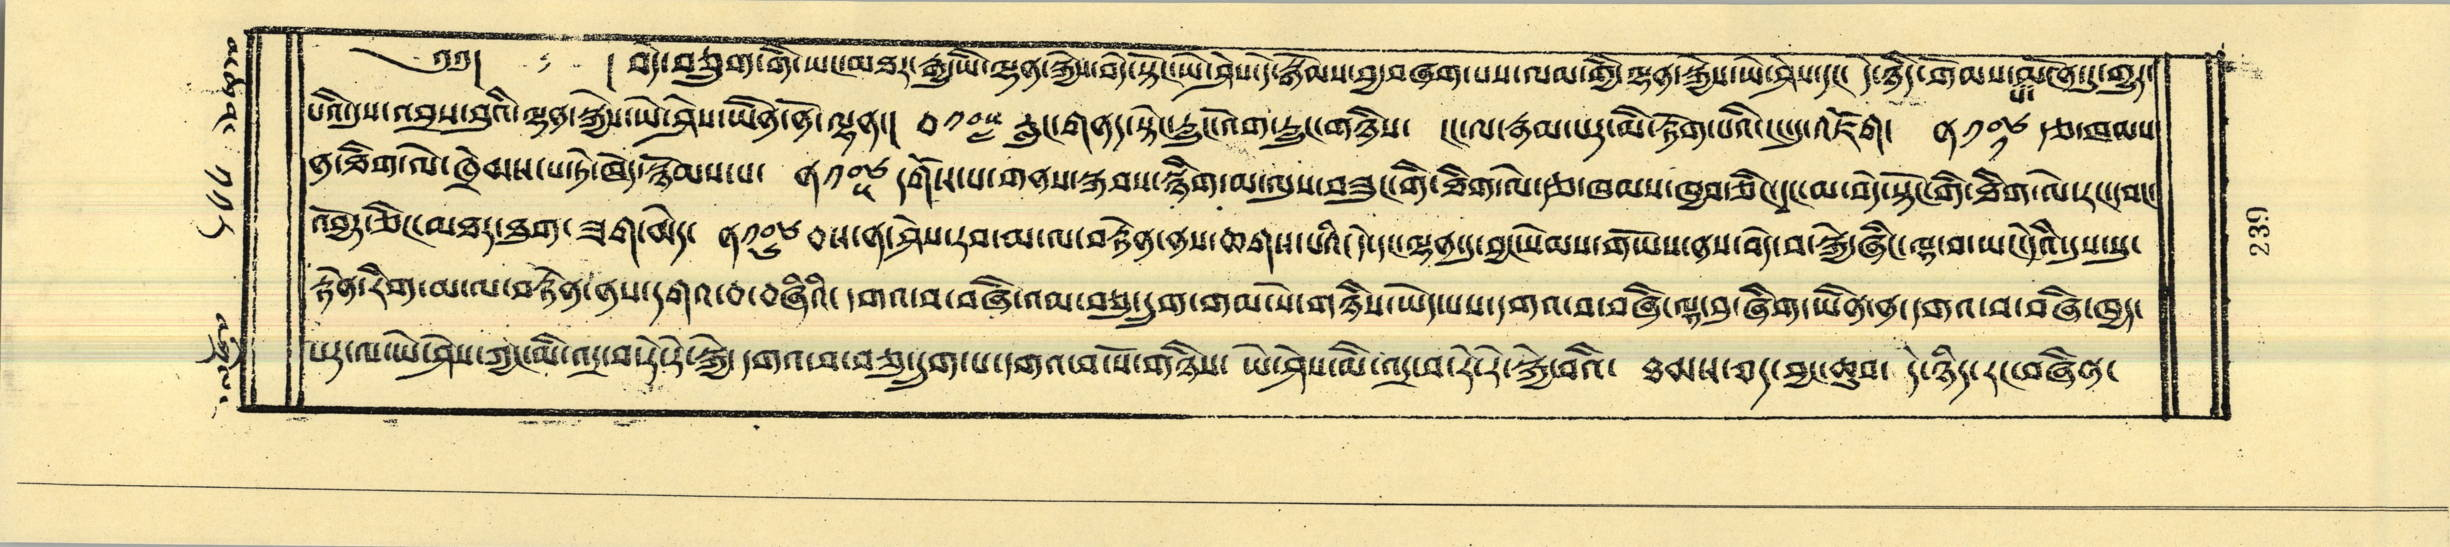བདེ་བཅུ་དྲུག་གི་ཡང་མཐར་རྒྱུ་ཡི་ལྷན་སྐྱེས་བདེ་སྟོང་ཡེ་ཤེས་དེ་སྒོམས་བྱ་བཞག་པས་ལམ་གྱི་ལྷན་སྐྱེས་ཡེ་ཤེས་དང། དེ་ཉིད་གོམས་པ་མངོན་དུ་གྱུར་
པའི་དུས་འབྲས་བུའི་ལྷན་སྐྱེས་ཡེ་ཤེས་ཡིན་ནོ་ ༼ལྷན་༽བ༡༠༥།༤ ༼རླུང་གནད་སྟེང་༽རླུང་འོག་རླུང་གཉིས། ངང་ལ་རྣམ་པར་མི་རྟོག་པའི་ངང་དུ་ ༼འཇོག་༽ན༡༠༦།༡ རྩ་ཁམས་
ན་ཐིག་ལེ་ ༼ཁྲེམས་༽པ་ཏེ་ཁོད་སྙོམས་པ་ན༡༠༦།༥ ༼དགོས་པ་༽གནས་སྐབས་སྙིག་མ་ལུས་བཟུང་གི་ཐིག་ལེ་རྩ་ཁམས་ཁྱབ་ཅིང་དྭང་མ་བདེ་སྟོང་གི་ཐིག་ལེ་རང་དབང་
འབྱོར་ཅིང་མཐར་ཐུག་ ༼ཟག་མེད་༽ན༡༠༦།༦ ༼བས་ན་༽ཤེས་རབ་མ་ལ་བརྟེན་ནས་ ༼ཆགས་པའི་༽དེ་དང་ལྷན་དུ་བྱང་སེམས་གཡོས་ནས་བདེ་བ་སྐྱེ་ཞིང་ལྟ་བ་ཡང་དེའི་དུས་སུ་
རྟེན་རིག་མ་ལ་བརྟེན་ནས་ ༼དགའ་བ་བཞིའི་༽དགའ་བ་བཞི་འམ་བཅུ་དྲུག་གམ་སོ་གཉིས་ཡོད་པས་དགའ་བ་བཞི་ལྟ་བུ་ཞིག་ཡིན་ན་དགའ་བ་བཞི་ཁྱད་
པར་ལ་ཡེ་ཤེས་ཀྱང་མི་འདྲ་བ་རེ་རེ་སྐྱེ། དགའ་བ་བཅུ་དྲུག་པ་དགའ་བ་སོ་གཉིས། ཡེ་ཤེས་མི་འདྲ་བ་རེ་རེ་སྐྱེ་བའི། ༼ཐམས་ཅད་༽བྱང་ཆུབ་ ༼དེ་ཉིད་༽རང་བཞིན་